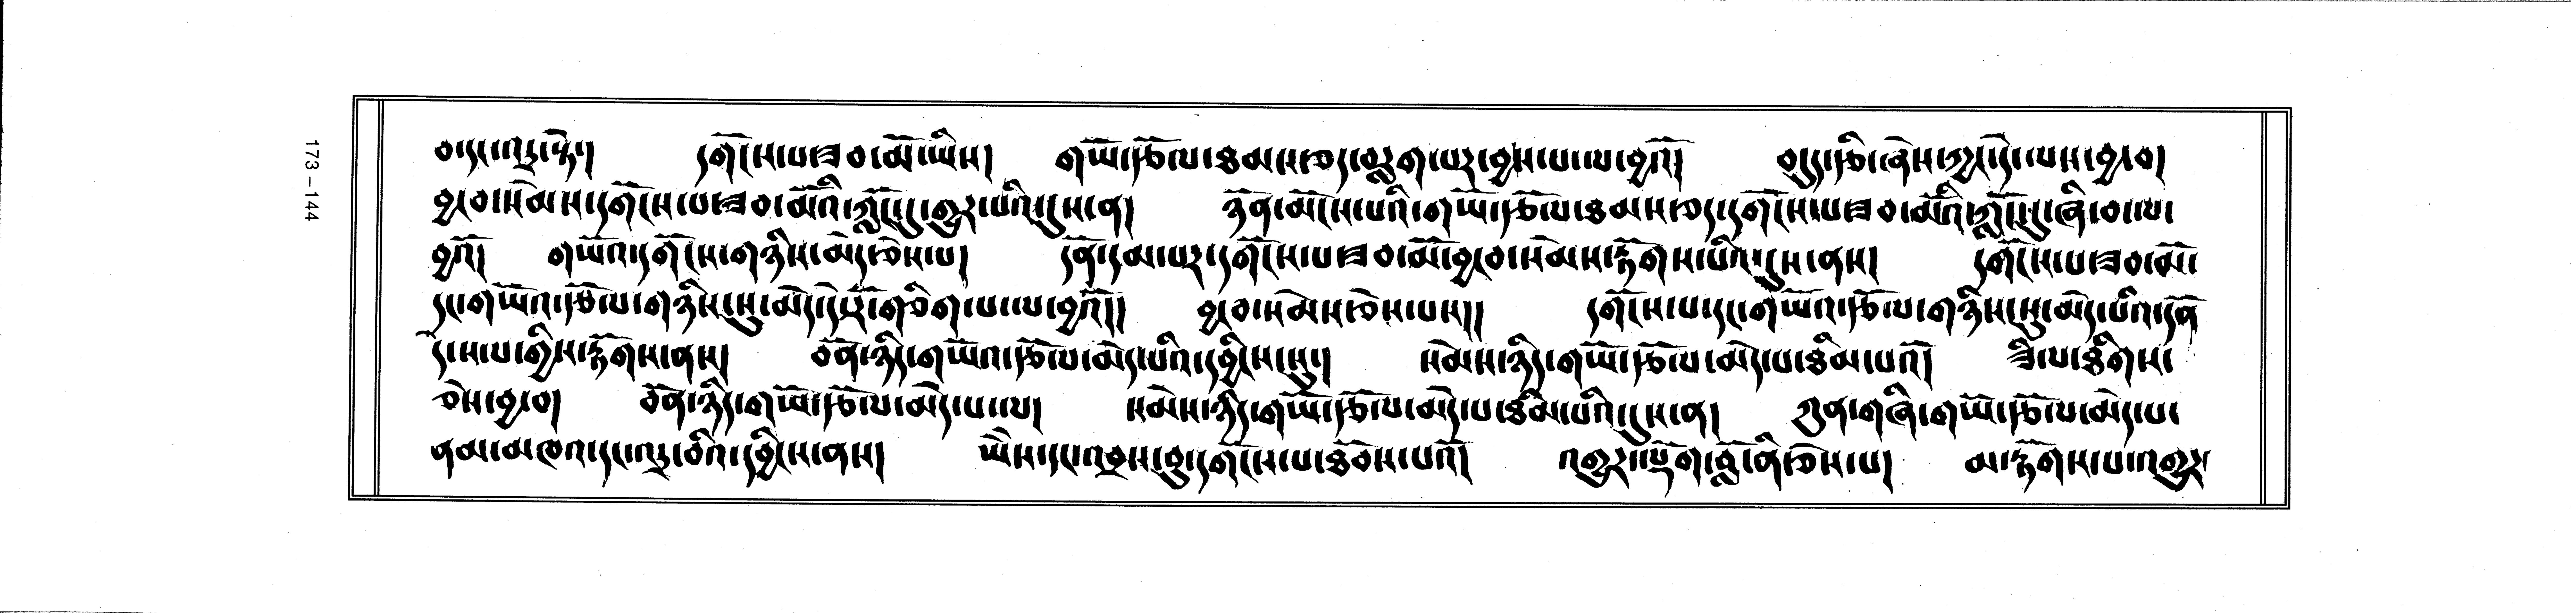བ་དང་འདྲ་སྟེ། དགོངས་པ་ཟབ་མོ་ཡིས། གཡོ་རྩོལ་ཐམས་ཅད་བརླག་པར་བྱས་པ་ལ་བྱའོ། །བདུད་རྩི་ཞེས་ཀྱང་དེ་ལ་བྱ་བ། 
བྱང་ཆུབ་ཀྱི་སེམས་དགོངས་པ་ཟབ་མོའི་ཀློང་དུ་གྱུར་པའི་དུས་ན། ཉོན་མོངས་པའི་གཡོ་རྩོལ་ཐམས་ཅད་དགོངས་པ་ཟབ་མོའི་ཀློང་དུ་ཞི་བ་ལ་
བྱའོ། །གཡོ་དགོངས་གཉིས་མེད་ཅེས་པས། དོན་དམ་དགོངས་པ་ཟབ་མོའི་བྱང་ཆུབ་ཀྱི་སེམས་རྟོགས་པའི་དུས་ན། དགོངས་པ་ཟབ་མོ་
དང་གཡོ་རྩོལ་གཉིས་སུ་མེད་དེ་རོ་གཅིག་པ་ལ་བྱའོ། །བྱང་ཆུབ་སེམས་ཅེས་པས། དགོངས་པ་དང་གཡོ་རྩོལ་གཉིས་སུ་མེད་པའི་དོན་
དེ་སལ་གྱིས་རྟོགས་ནས། བོན་ཉིད་གཡོ་རྩོལ་མེད་པའི་དབྱིངས་སུ། སེམས་ཉིད་གཡོ་རྩོལ་མེད་པ་ལ་ཐིམ་པའི། ཟིལ་ཐིགས།
ཅེས་བྱ་བ། བོན་ཉིད་གཡོ་རྩོལ་མེད་པ་ལ། སེམས་ཉིད་གཡོ་རྩལ་མེད་པ་ཐིམ་པའི་དུས་ན། ཀུན་གཞི་གཡོ་རྩལ་མེད་པ་
ནམ་མཁའ་དང་འདྲ་བའི་དབྱིངས་ནས། ཡེ་ཤེས་དང་འབྲས་བུ་དགོངས་པ་ཐོབ་པའོ། །འགྱུར་ལྡོག་བློ་ནི་ཅེས་པ། མ་རྟོགས་པ་འགྱུར་